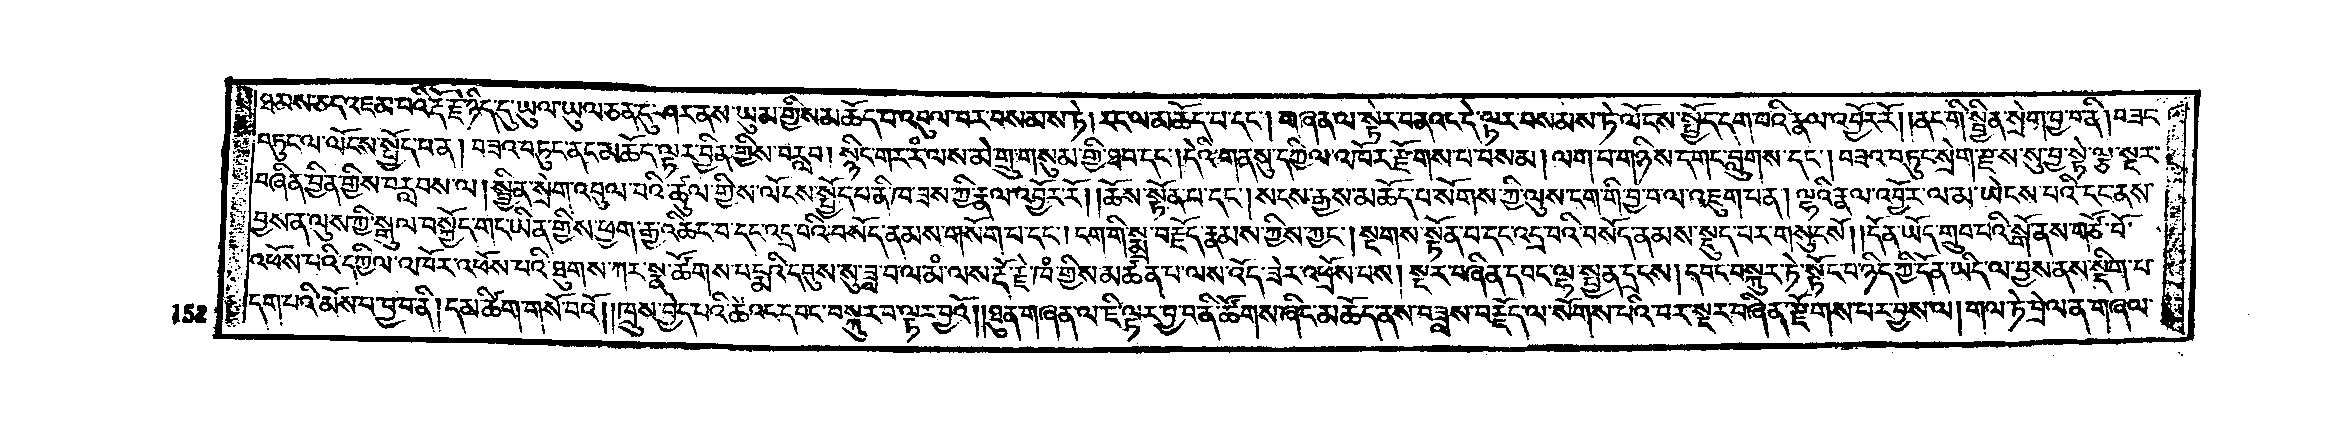ཐམས་ཅད་འཇམ་པའི་རྡོ་རྗེ་ཉིད་དུ་ཡུལ་ཡུལ་ཅན་དུ་ཤར་ནས་ཡུམ་གྱིས་མཆོད་པ་འབུལ་བར་བསམས་ཏེ། རང་ལ་མཆོད་པ་དང་། གཞན་ལ་སྟེར་བ་ནའང་དེ་ལྟར་བསམས་ཏེ་ལོངས་སྤྱོད་དག་པའི་རྣལ་འབྱོར་རོ། །ནང་གི་སྦྱིན་སྲེག་བྱ་བ་ནི། བཟའ་
བཏུང་ལ་ལོངས་སྤྱོད་པ་ན། བཟའ་བཏུང་ནང་མཆོད་ལྟར་བྱིན་གྱིས་བརླབ། སྙིང་གར་རཾ་ལས་མེ་གྲུ་གསུམ་གྱི་ཐབ་དང་། དེའི་གནས་སུ་དཀྱིལ་འཁོར་རྫོགས་པ་བསམ། ལག་པ་གཉིས་དགང་བླུགས་དང་། བཟའ་བཏུང་སྲེག་རྫས་སུ་བྱ་སྟེ་ལྕེ་སྔར་
བཞིན་བྱིན་གྱིས་བརླབས་ལ། སྦྱིན་སྲེག་འབུལ་བའི་ཚུལ་གྱིས་ལོངས་སྤྱོད་པ་ནི་ཁ་ཟས་ཀྱི་རྣལ་འབྱོར་རོ། །ཆོས་སྟོན་པ་དང་། སངས་རྒྱས་མཆོད་པ་སོགས་ཀྱི་ལུས་ངག་གི་བྱ་བ་ལ་འཇུག་པ་ན། ལྷའི་རྣལ་འབྱོར་ལ་མ་ཡེངས་པའི་ངང་ནས་
བྱས་ན་ལུས་ཀྱི་སྒུལ་བསྐྱོད་གང་ཡིན་གྱིས་ཕྱག་རྒྱ་འཆིང་བ་དང་འདྲ་བའི་བསོད་ནམས་གསོག་པ་དང་། ངག་གི་སྨྲ་བརྗོད་རྣམས་ཀྱིས་ཀྱང་། སྔགས་སྟོན་པ་དང་འདྲ་བའི་བསོད་ནམས་སྡུད་པར་གསུངས་སོ། །དོན་ཡོད་གྲུབ་པའི་སྒོ་ནས་གཙོ་བོ་
འཕོས་པའི་དཀྱིལ་འཁོར་འཕོས་པའི་ཐུགས་ཀར་སྣ་ཚོགས་པདམའི་དབུས་སུ་ཟླ་བ་ལ་མཾ་ལས་རྡོ་རྗེ་ཁཾ་གྱིས་མཚན་པ་ལས་འོད་ཟེར་འཕྲོས་པས། སྔར་བཞིན་དབང་ལྷ་སྤྱན་དྲངས། དབང་བསྐུར་ཏེ་སྟོང་པ་ཉིད་ཀྱི་དོན་ཡིད་ལ་བྱས་ནས་སྡིག་པ་
དག་པའི་མོས་པ་བྱ་བ་ནི། དམ་ཚིག་གསོ་བའོ། །ཁྲུས་བྱེད་པའི་ཚེའང་དབང་བསྐུར་བ་ལྟར་བྱའོ། །ཐུན་གཞན་ལ་ཇི་ལྟར་བྱ་བ་ནི་ཚོགས་ཞིང་མཆོད་ནས་བཟླས་བརྗོད་ལ་སོགས་པའི་བར་སྔར་བཞིན་རྫོགས་པར་བྱས་ལ། གལ་ཏེ་བྲེལ་ན་གཞལ་